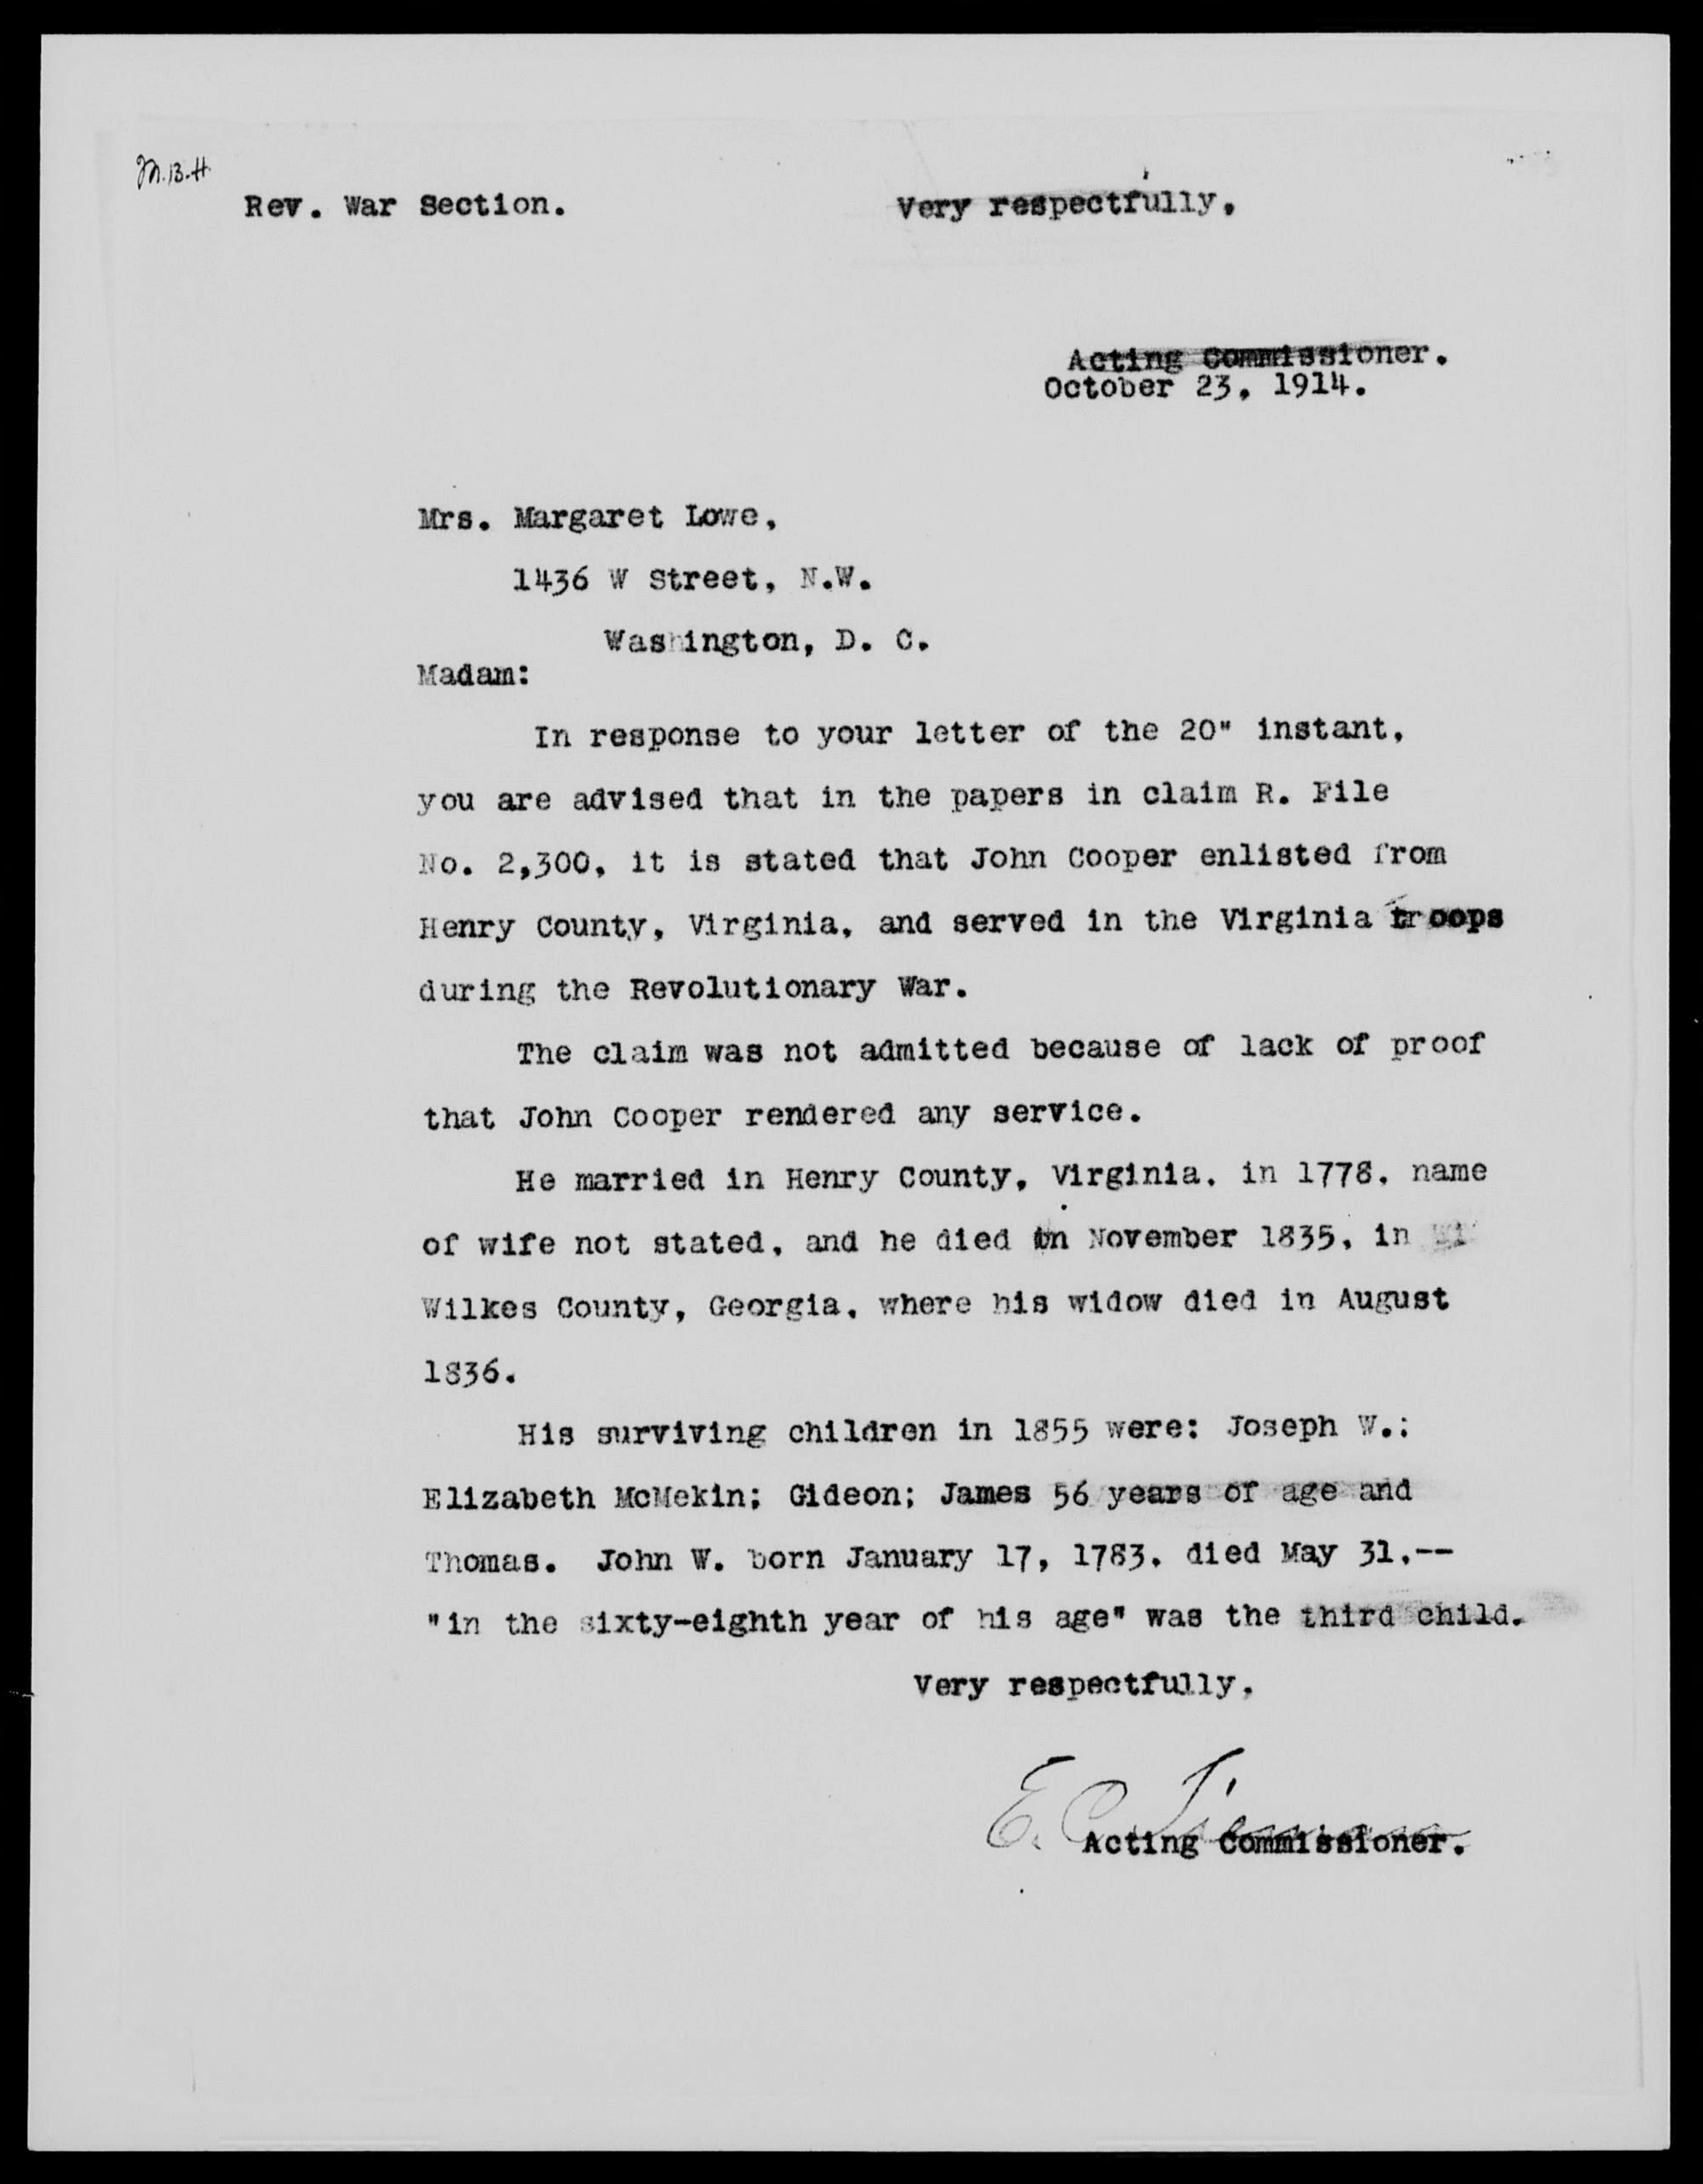M.B. H
Rev. War Section.
Very respectfully,
Acting Commission. [crossed out]
October 23, 1914.

Mrs. Margaret Lowe,
1436 W Street, N.W.
Washington, D. C. 

Madam:

In response to your letter of the 20" instant, you are advised that in the papers in claim R. File No. 2,300, it is stated that John Cooper enlisted from Henry County, Virginia, and served in the Virginia troops during the Revolutionary War.

The claim was not admitted because of lack of proof that John Cooper rendered any service.

He married in Henry County, Virginia, in 1778, name of wife not stated, and he died in November 1835, in Wilkes County, Georgia, where his widow died in August 1836.

His surviving children in 1855 were: Joseph W.; Elizabeth McMekin; Gideon; James 56 years of age and Thomas. John W. born January 17, 1783, died May 31, -- "in the sixty-eighth year of his age" was the third child.

Very respectfully,
E. C. Tieman
Acting Commissioner.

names: Joseph W, Gideon, James, Thomas, John W, John Cooper, E C Tieman, Elizabeth Mc Mekin, Margaret Lowe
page: 9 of 17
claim: rejected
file: R. 2,300, John Cooper, Va.